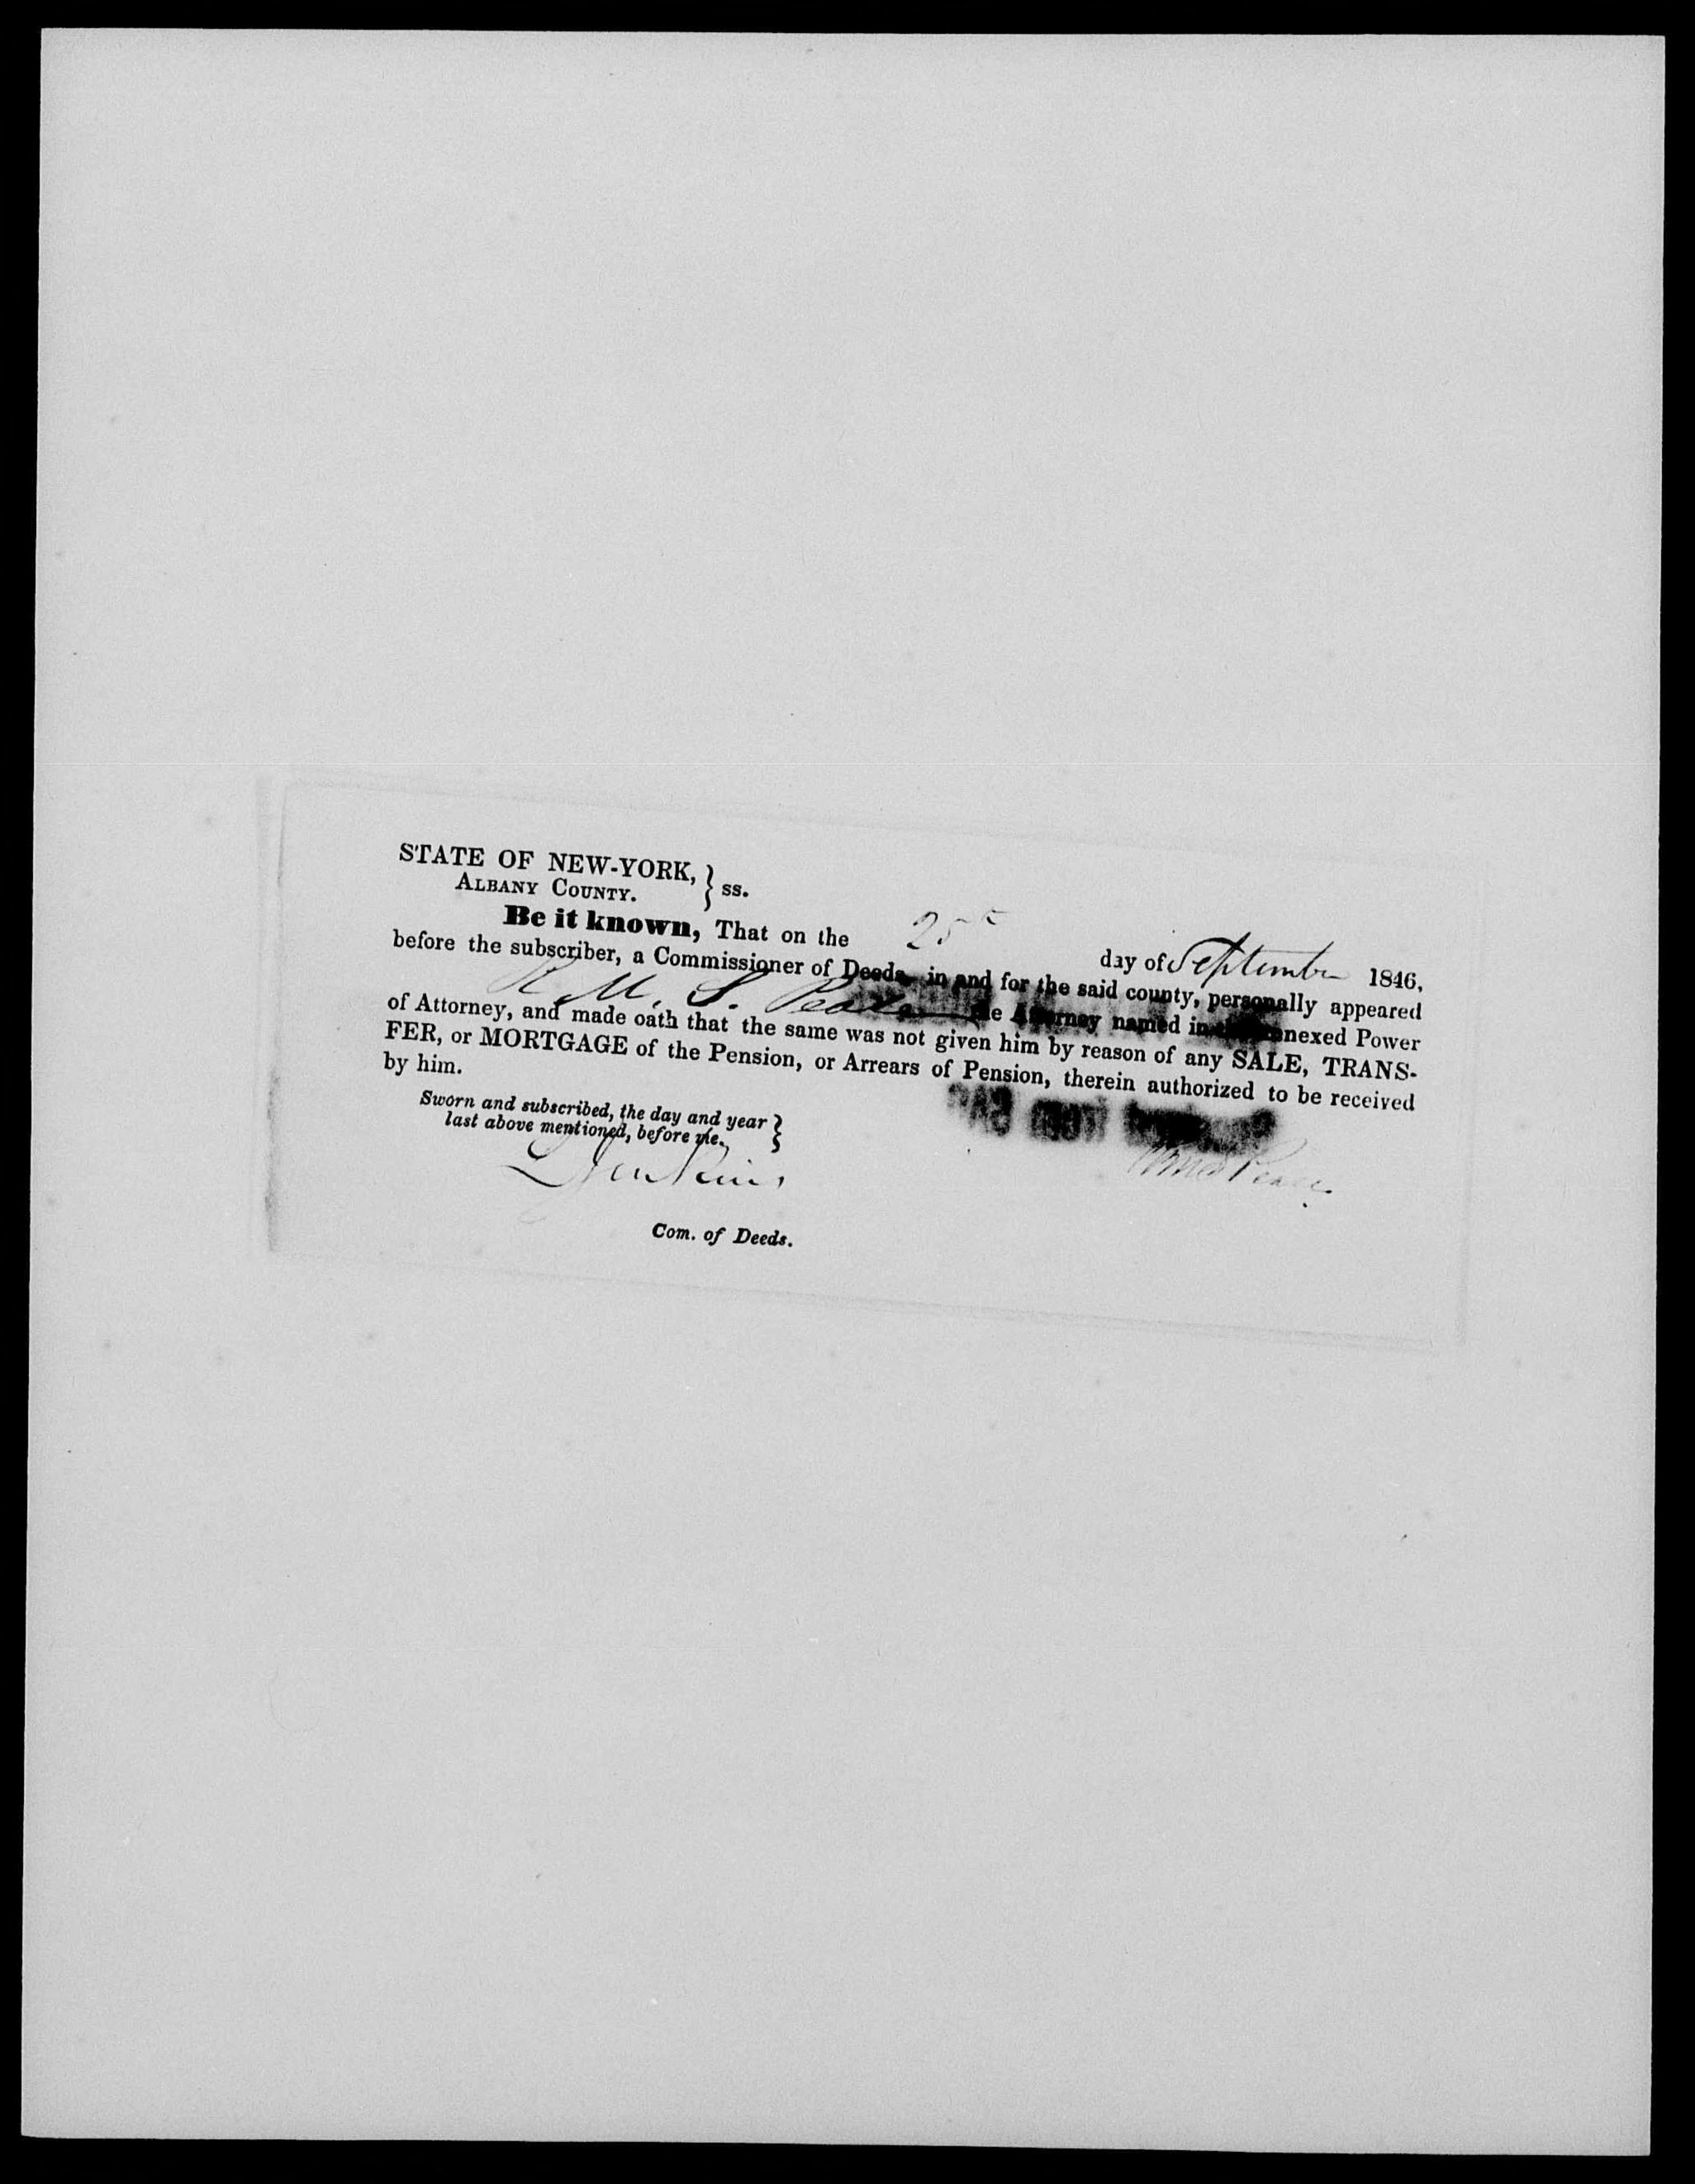STATE OF NEW-YORK,
Albany County. }ss.

Be it known, that on the 25th day of September 1846, before the subscriber, a Commissioner of Deeds in and for the said county, personally appeared R. M. S. Pease the Attorney named in the annexed Power of Attorney, and made oath that the same was not given him by reason of any SALE, TRANSER, or MORTGAGE  of the Pension, or Arrears of Pension, therein authorized to be received by him.
[signed]
RMS Pease

Sworn and subscribed, the day and year last above mentioned, before me.

[signed]
L Jenkins
Com. of Deeds.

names: R M S Pease; L Jenkins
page: 57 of 70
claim: rejected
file: R. 6510, for Israel Luce, New York